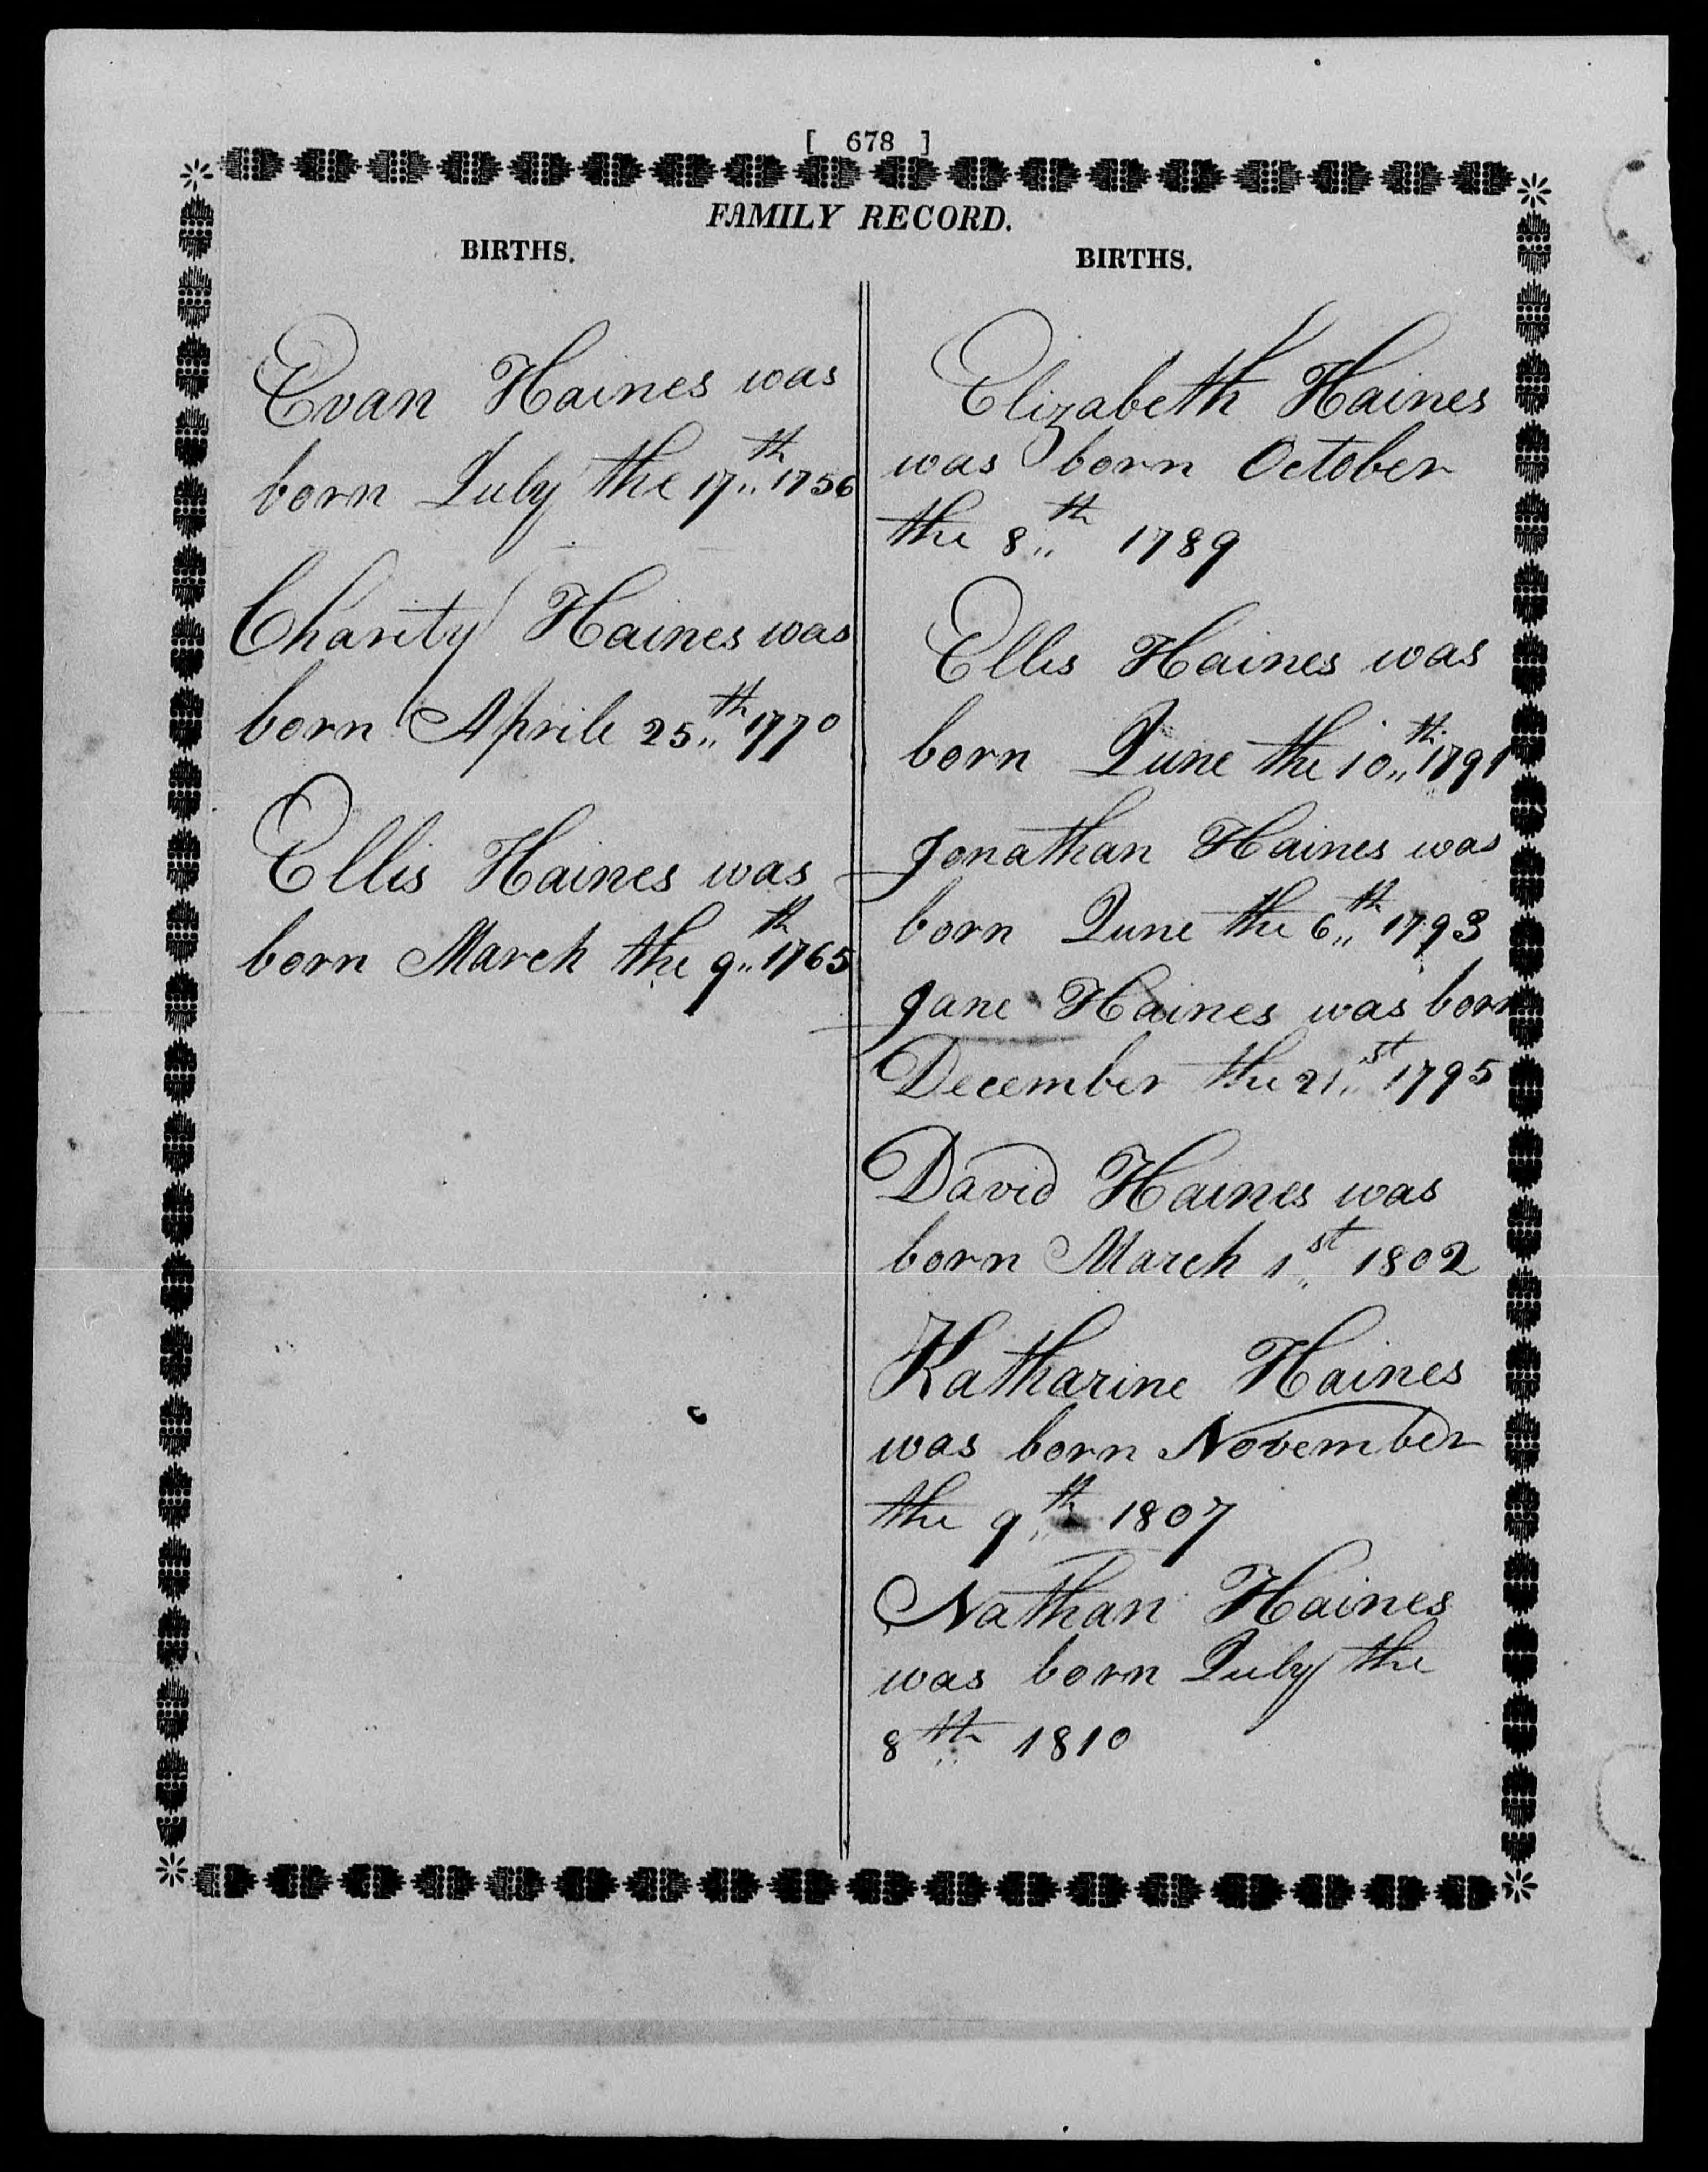FAMILY RECORD

BIRTHS

Evan Haines was born July the 17th 1756

Charity Haines was born April 25th 1770

Ellis Haines was born March the 9th 1765

Elizabeth Haines was born October the 8th 1789

Ellis Haines was born  June the 10th 1791

Jonathan Haines was born June the 6th 1793

Jane Haines was born December the 21st 1795

David Haines was born March 1st 1802

Katharine Haines was born November the 9th  1807

Nathan Haines was born July the 8th 1810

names: Nathan Haines, David Haines, Ellis Haines, Elizabeth Haines, Jonathan Haines, Katharine Haines, Jane Haines, Ellis Haines, Charity Haines, Evan Haines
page: 15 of 34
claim: widow's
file: W. 8897, Evan Haines, Ga